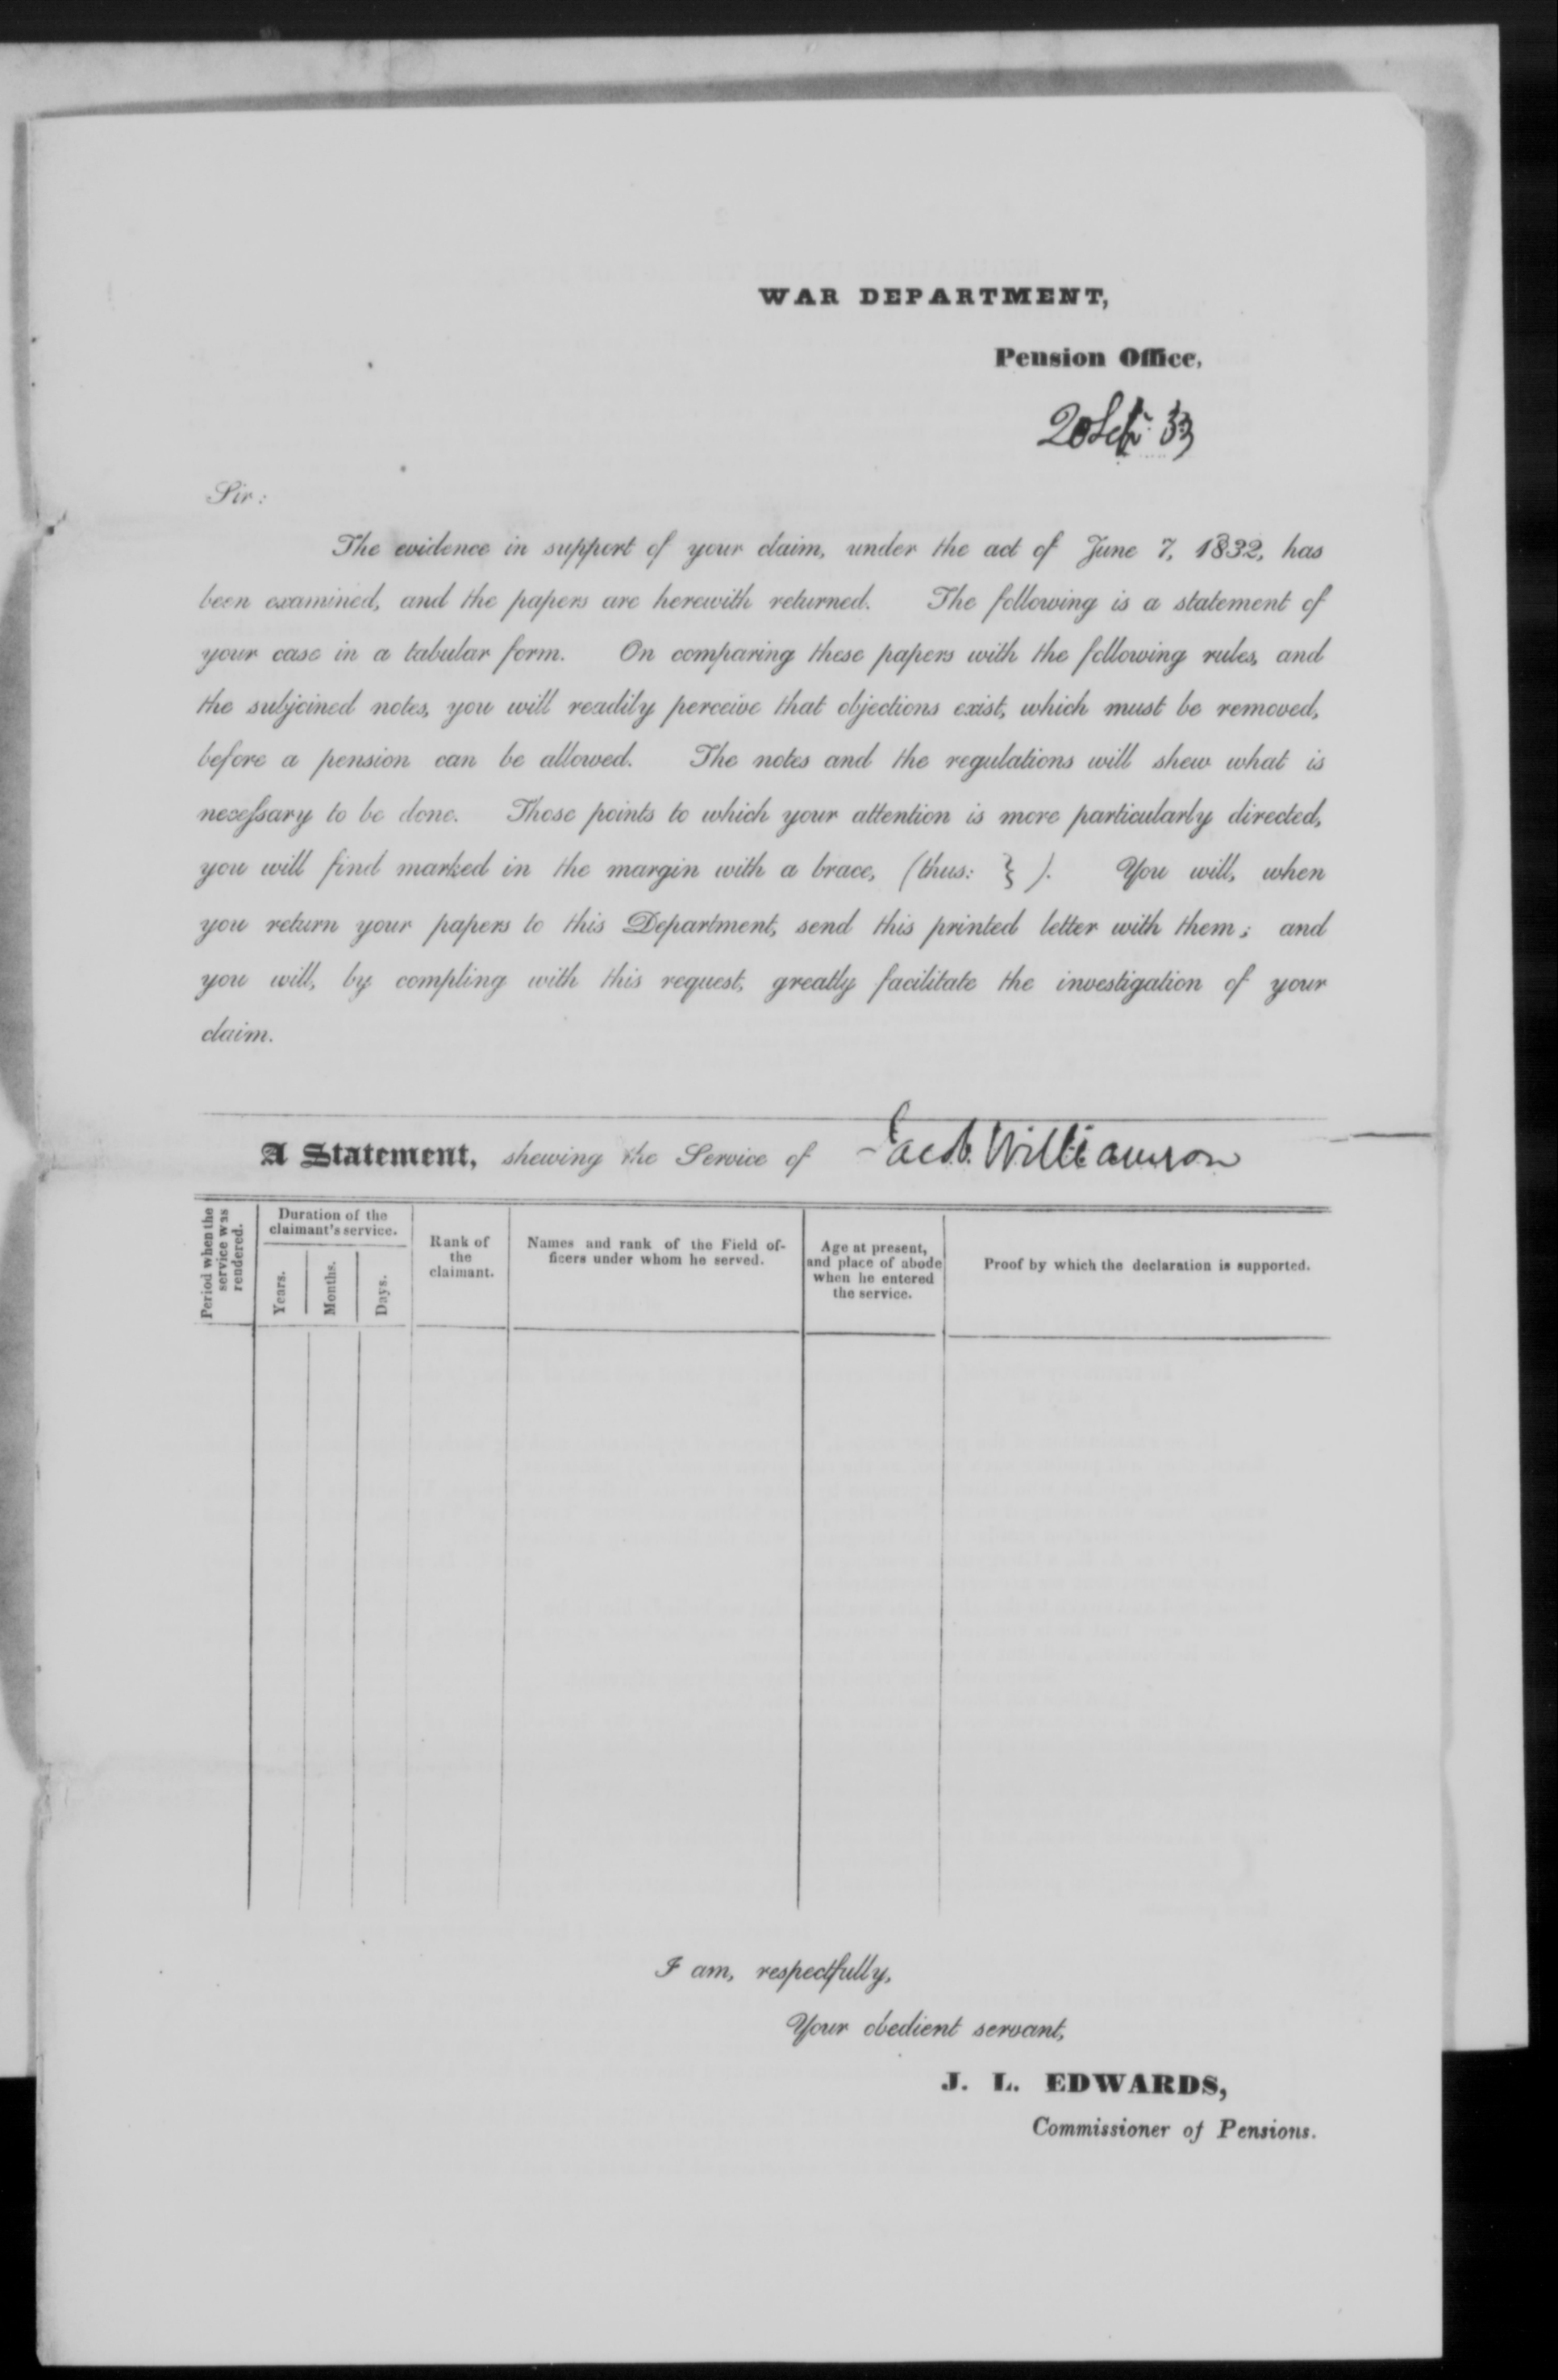WAR DEPARTMENT,
Pension Office,
20 Sep. '53

Sir:

The evidence in support of your claim, under the act of June 7, 1832, has been examined, and the papers are herewith returned. The following is a statement of your case in a tabular form. On comparing these papers with the following rules, and the subjoined notes, you will readily perceive that objections exist, which must be removed, before a pension can be allowed. The notes and the regulations will shew what is necessary to be done. These points to which your attention is more particularly directed, you will find marked in the margin with a brace, (thus: }). You will, when you return your papers to this Department, send this printed letter with them; and you will, by complying with this request, greatly facilitate the investigation of your
claim.

A Statement, shewing the Service of Jacob Williamson.

Period when the service was rendered. | Duration of the claimant's service. (Years/Months/Days) | Rank of the claimant. | Names and Rank of the Company officers under whom he served. | Names and Rank of the General and Field officers. | Battles in which the applicant was engaged. | Country through
which he marched. | Place of abode when he entered the service, and age at the present period. | Evidence by which the declaration is supported.
(blank)

I am, respectfully your obedient servant,
J.L. EDWARDS,
Commissioner of Pensions.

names: Jacob Williamson, J L Edwards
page: 47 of 67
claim: widow's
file: W. 2393, Jacob Williamson, New Jersey